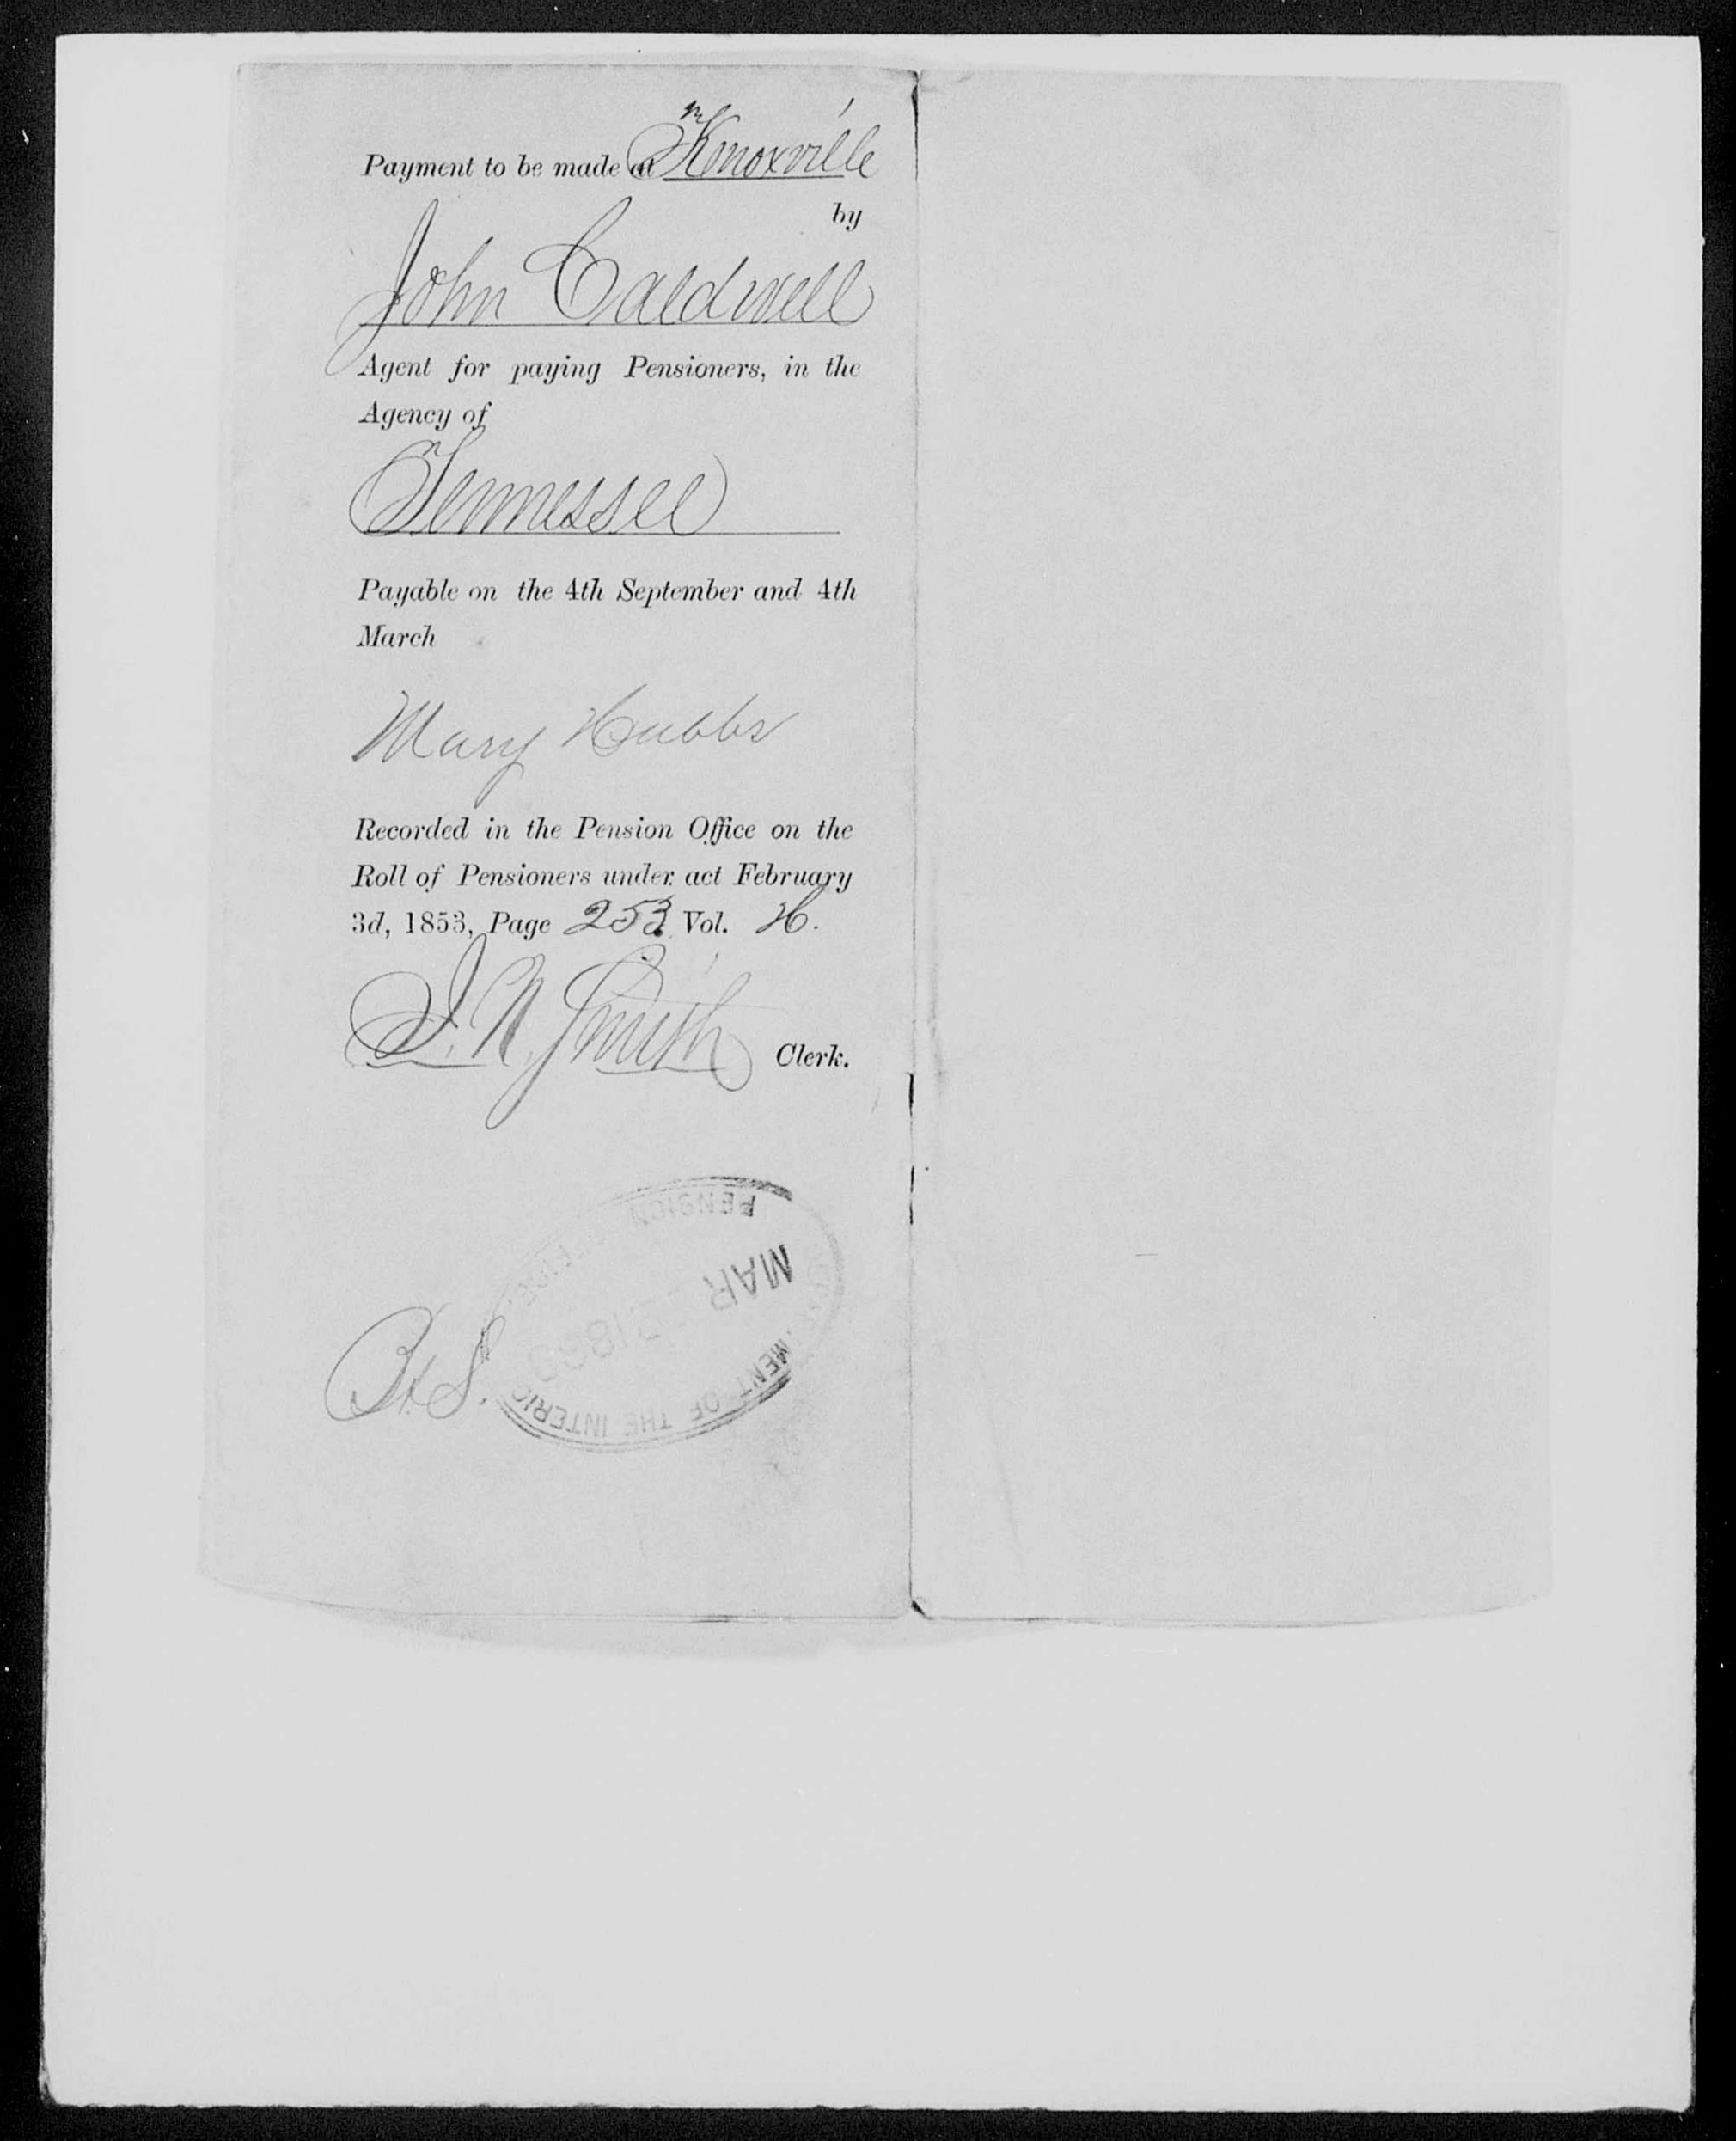Payment to be made Knoxville
by
John Caldwell
Agent for paying Pensioner in the
Agency of
Tennessee
Payable on the 4th September and 4th
March
Mary Hubbs
Recorded in the Pension Office on the
Roll of Pensioners under act February
3d 1853, Page 253 Vol. H
J. N. Smith  Clerk.
B. S.

Stamp
DEPARTMENT OF THE INTERIOR

MAR 22 1869

PENSION OFFICE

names: J N Smith, Mary Hubbs, John Caldwell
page: 57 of 86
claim: widow's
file: W. 1035, John Hubbs, S.C.